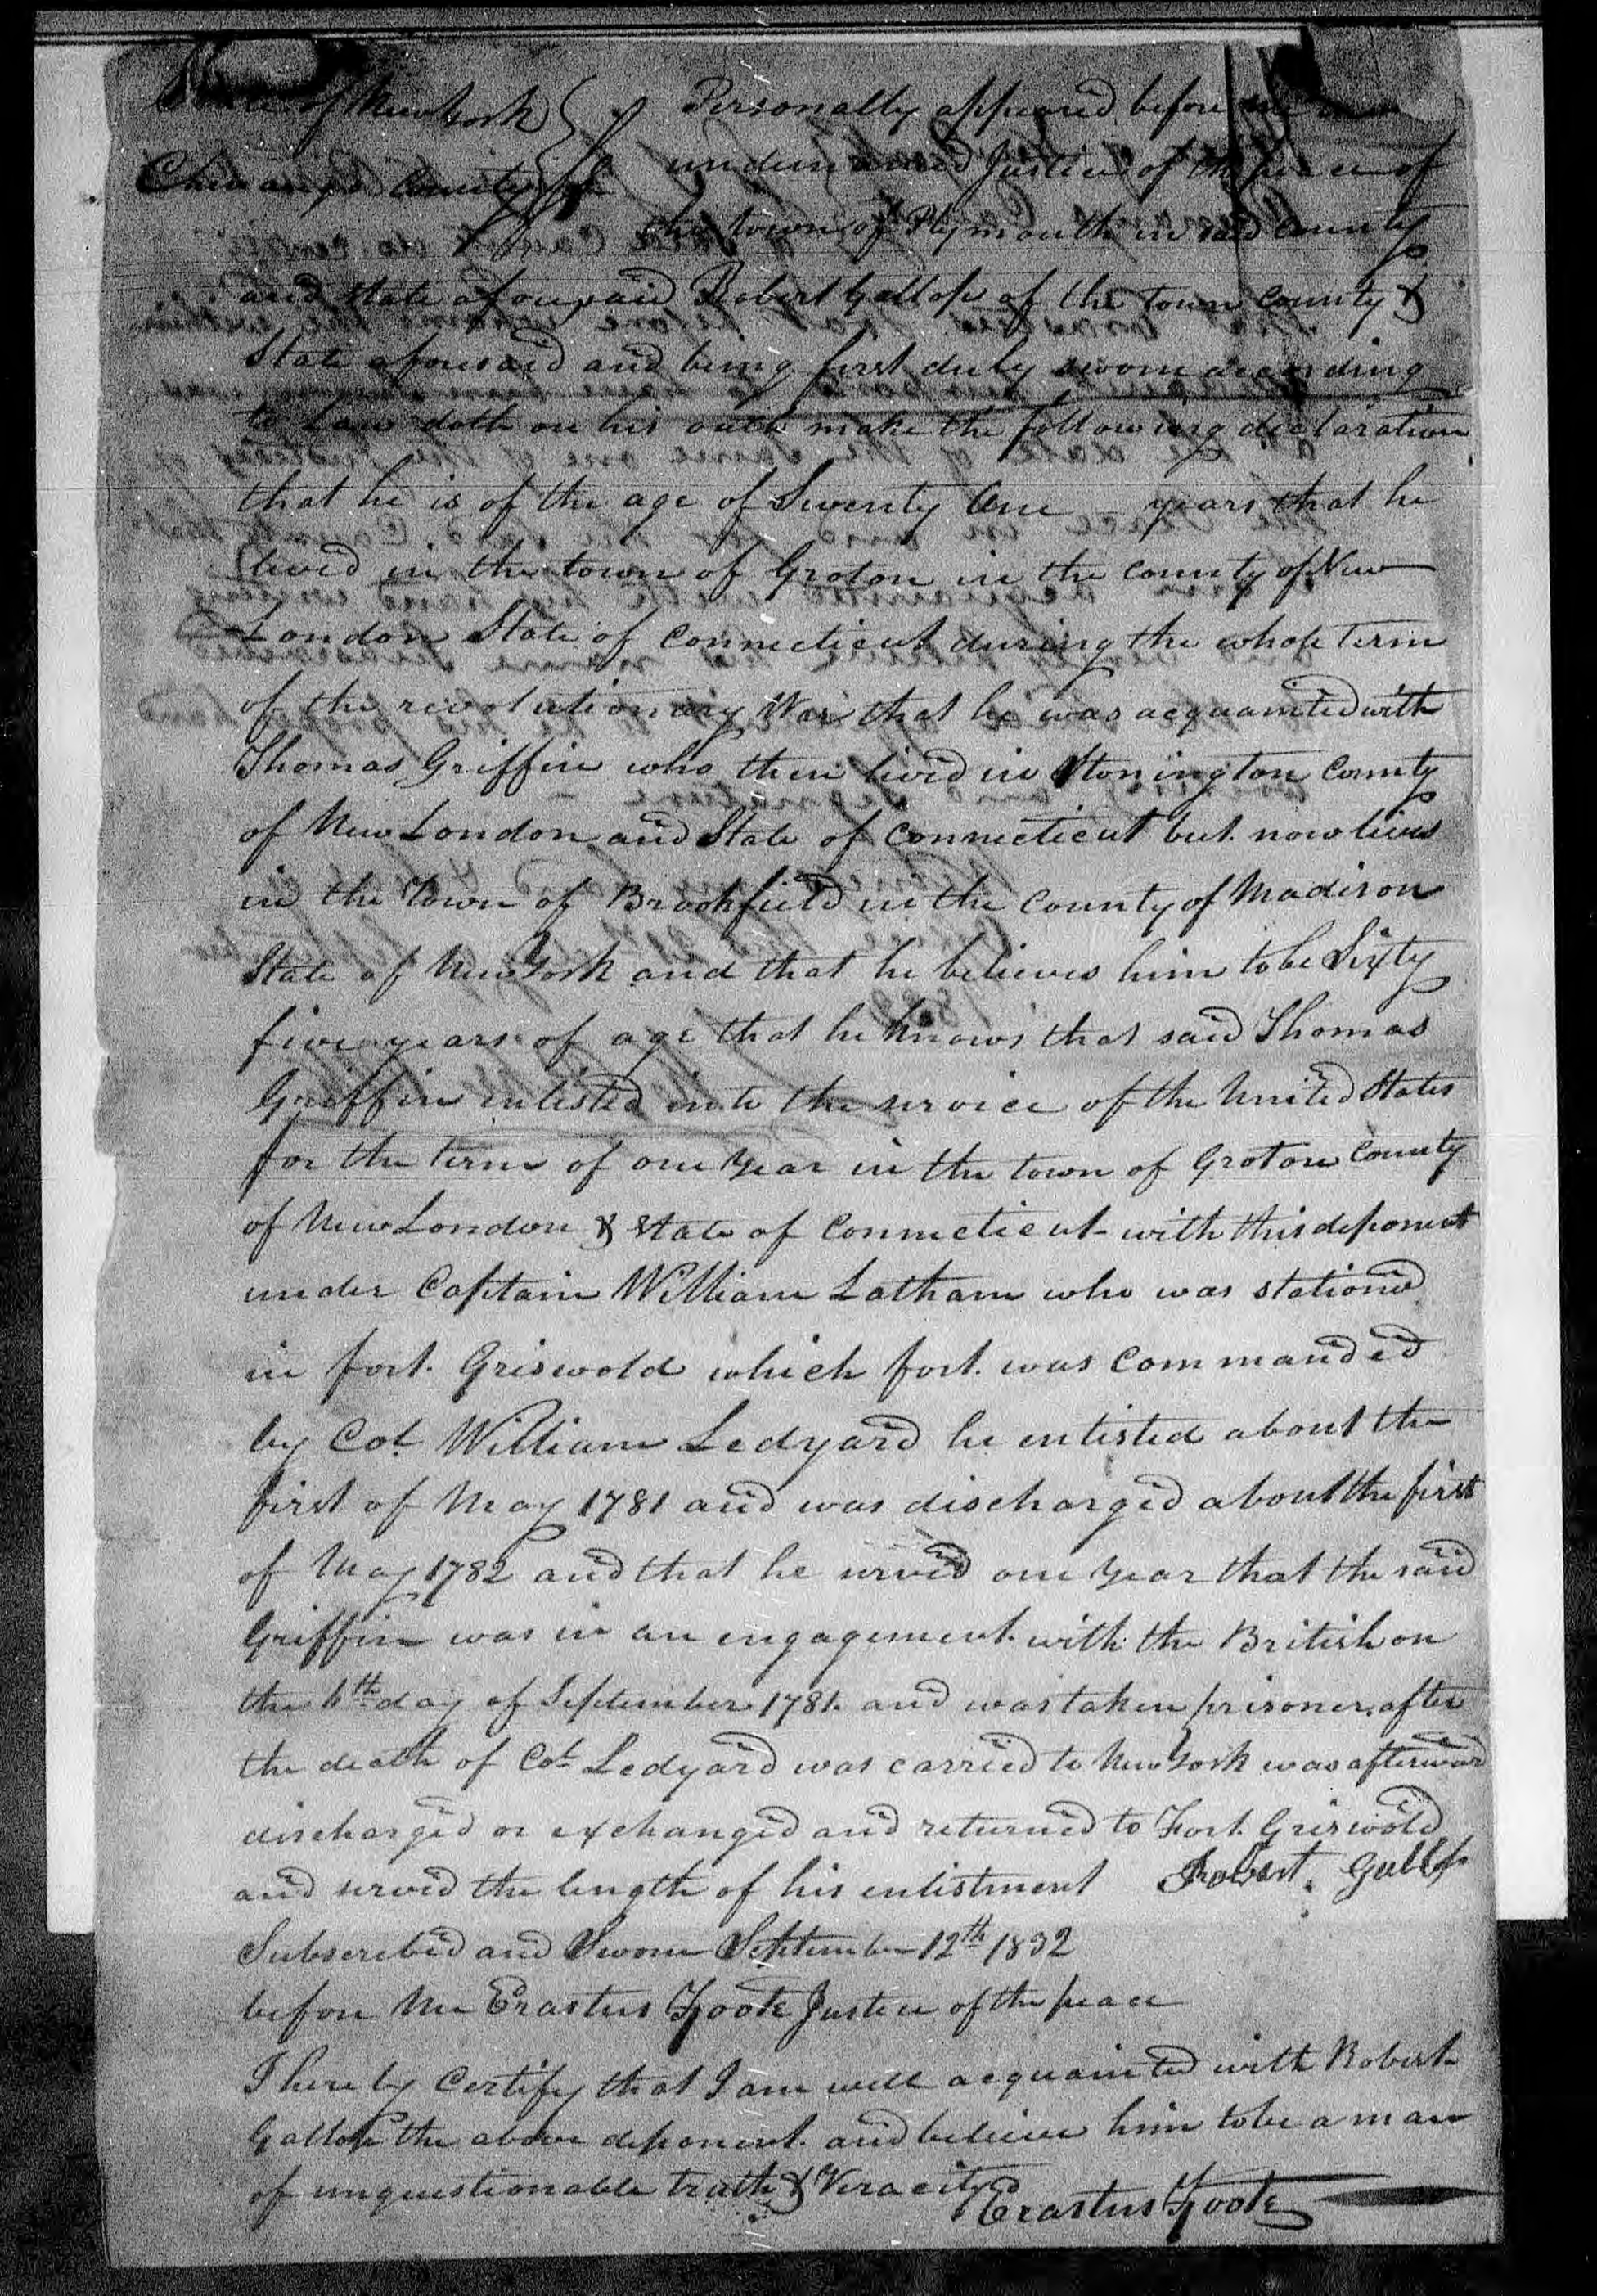State of New York 
Chenango County }ss
Personally appeared before me the undersigned Justice of the Peace of the town of Plymouth in said County and State aforesaid Robert Gallop of the Town, County & State aforesaid and being first duly sworn according to law doth on his oath make the following declaration that he is of the age of Seventy one years that he lived in the town of Groton in the County of New London State of Connecticut during the whole term of the revolutionary war that he was acquainted with Thomas Griffin who then lived in Stonington County of New London and State of Connecticut but now lives in the Town of Brookfield in the County of Madison State of New York and that he believes him to be Sixty five years of age that he knows that said Thomas Griffin enlisted into the service of the United States for the term of one year in the town of Groton County of New London & State of Connecticut with this deponent under Captain William Latham who was stationed in fort Griswold which fort was commanded by Col William Ledyard he enlisted about the first of May 1781 and was discharged about the first of May 1782 and that he served one year that the said Griffin was in an engagement with the British on the 6th day of September 1781 and was taken prisoner after the death of Col Ledyard was carried to New York was afterward discharged or exchanged and returned to Fort Griswold and served the length of his enlistment 
Robert Gallop 
Subscribed and Sworn September 12th 1832 before me Erastus Foote Justice of the peace
 I hereby certify that I am well acquainted with Robert Gallop the above deponent and believe him to be a man of unquestionable truth & Veracity Erastus Foote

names: Erastus Foote, Robert Gallop, Thomas Griffin, William Ledyard, Erastus Foote, William Latham, Thomas Griffin, Robert Gallop, Robert Gallop, Ledyard, Griffin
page: 8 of 60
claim: widow's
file: W. 19,537, Thomas Griffin, Conn.